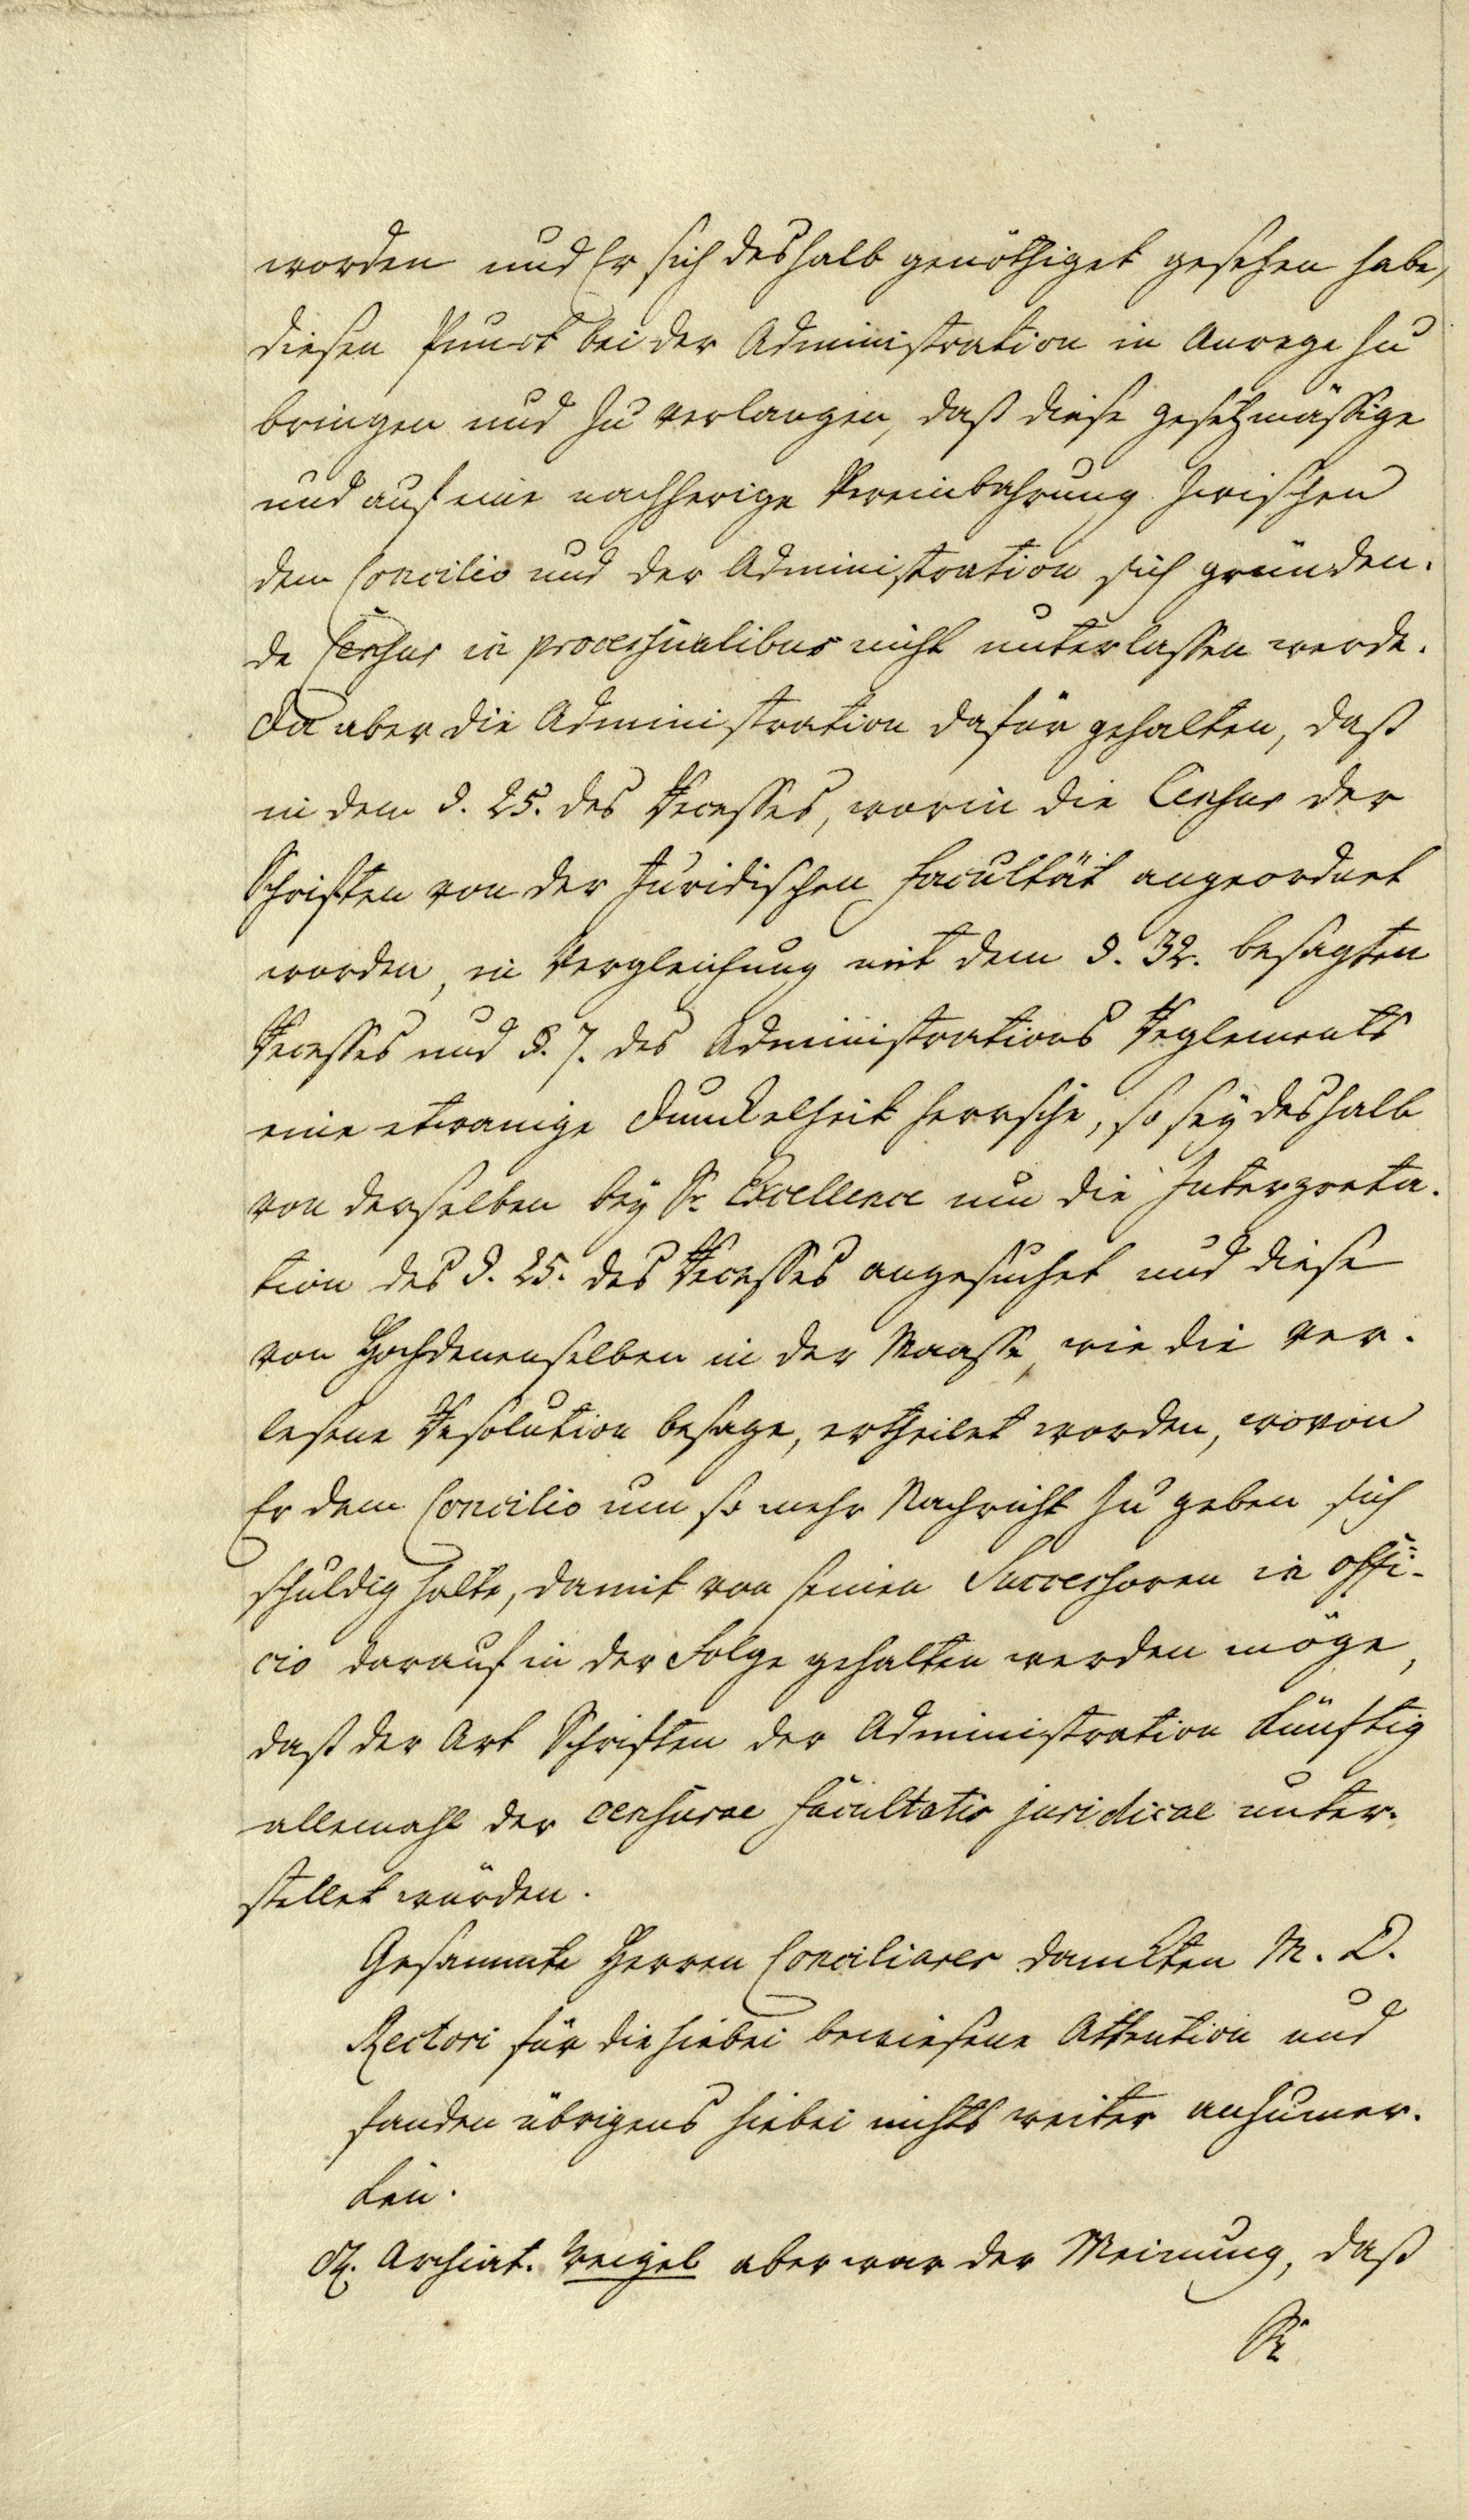worden und Er sich deshalb genöthiget gesehen habe,
diesen Punct bei der Administration in Anrege zu
bringen und zu verlangen, daß diese gesetzmäßige
und auf eine nacherige Vereinbahrung zwischen
dem Concilio und der Administration sich gründen¬
de Censur in processualibus nicht unterlassen werde.
Da aber die Administration dafür gehalten, daß
in dem §. 25. des Recesses, worin die Censur der
Schriften von der Juridischen Facultät angeordnet
worden, in Vergleichung mit dem §. 32. besagten
Recesses und §. 7. des Administrations Reglements
eine etwanige Dunckelheit herrsche, so seÿ deshalb
von derselben beÿ Sr Excellence um die Interpreta¬
tion des §. 25. des Recesses angesuchet und diese
von Hochdenenselben in der Maasse, wie die ver¬
lesene Resolution besage, ertheilet worden, wovon
Er dem Concilio um so mehr Nachricht zu geben sich
schuldig halte, damit von seinen Successoren in offi¬
cio darauf in der Folge gehalten werden möge,
daß der Art Schriften der Administration künftig
allemahl der censurae facultatis juridicae unter¬
stellet würden.
Gesammte Herren Conciliares danckten M. D.
Rectori für die hiebei bewiesene Attention und
fänden übrigens hiebei nichts weiter anzumer¬
ken.
dh. Arhiat. Weigel aber war der Meinung, daß
Sr